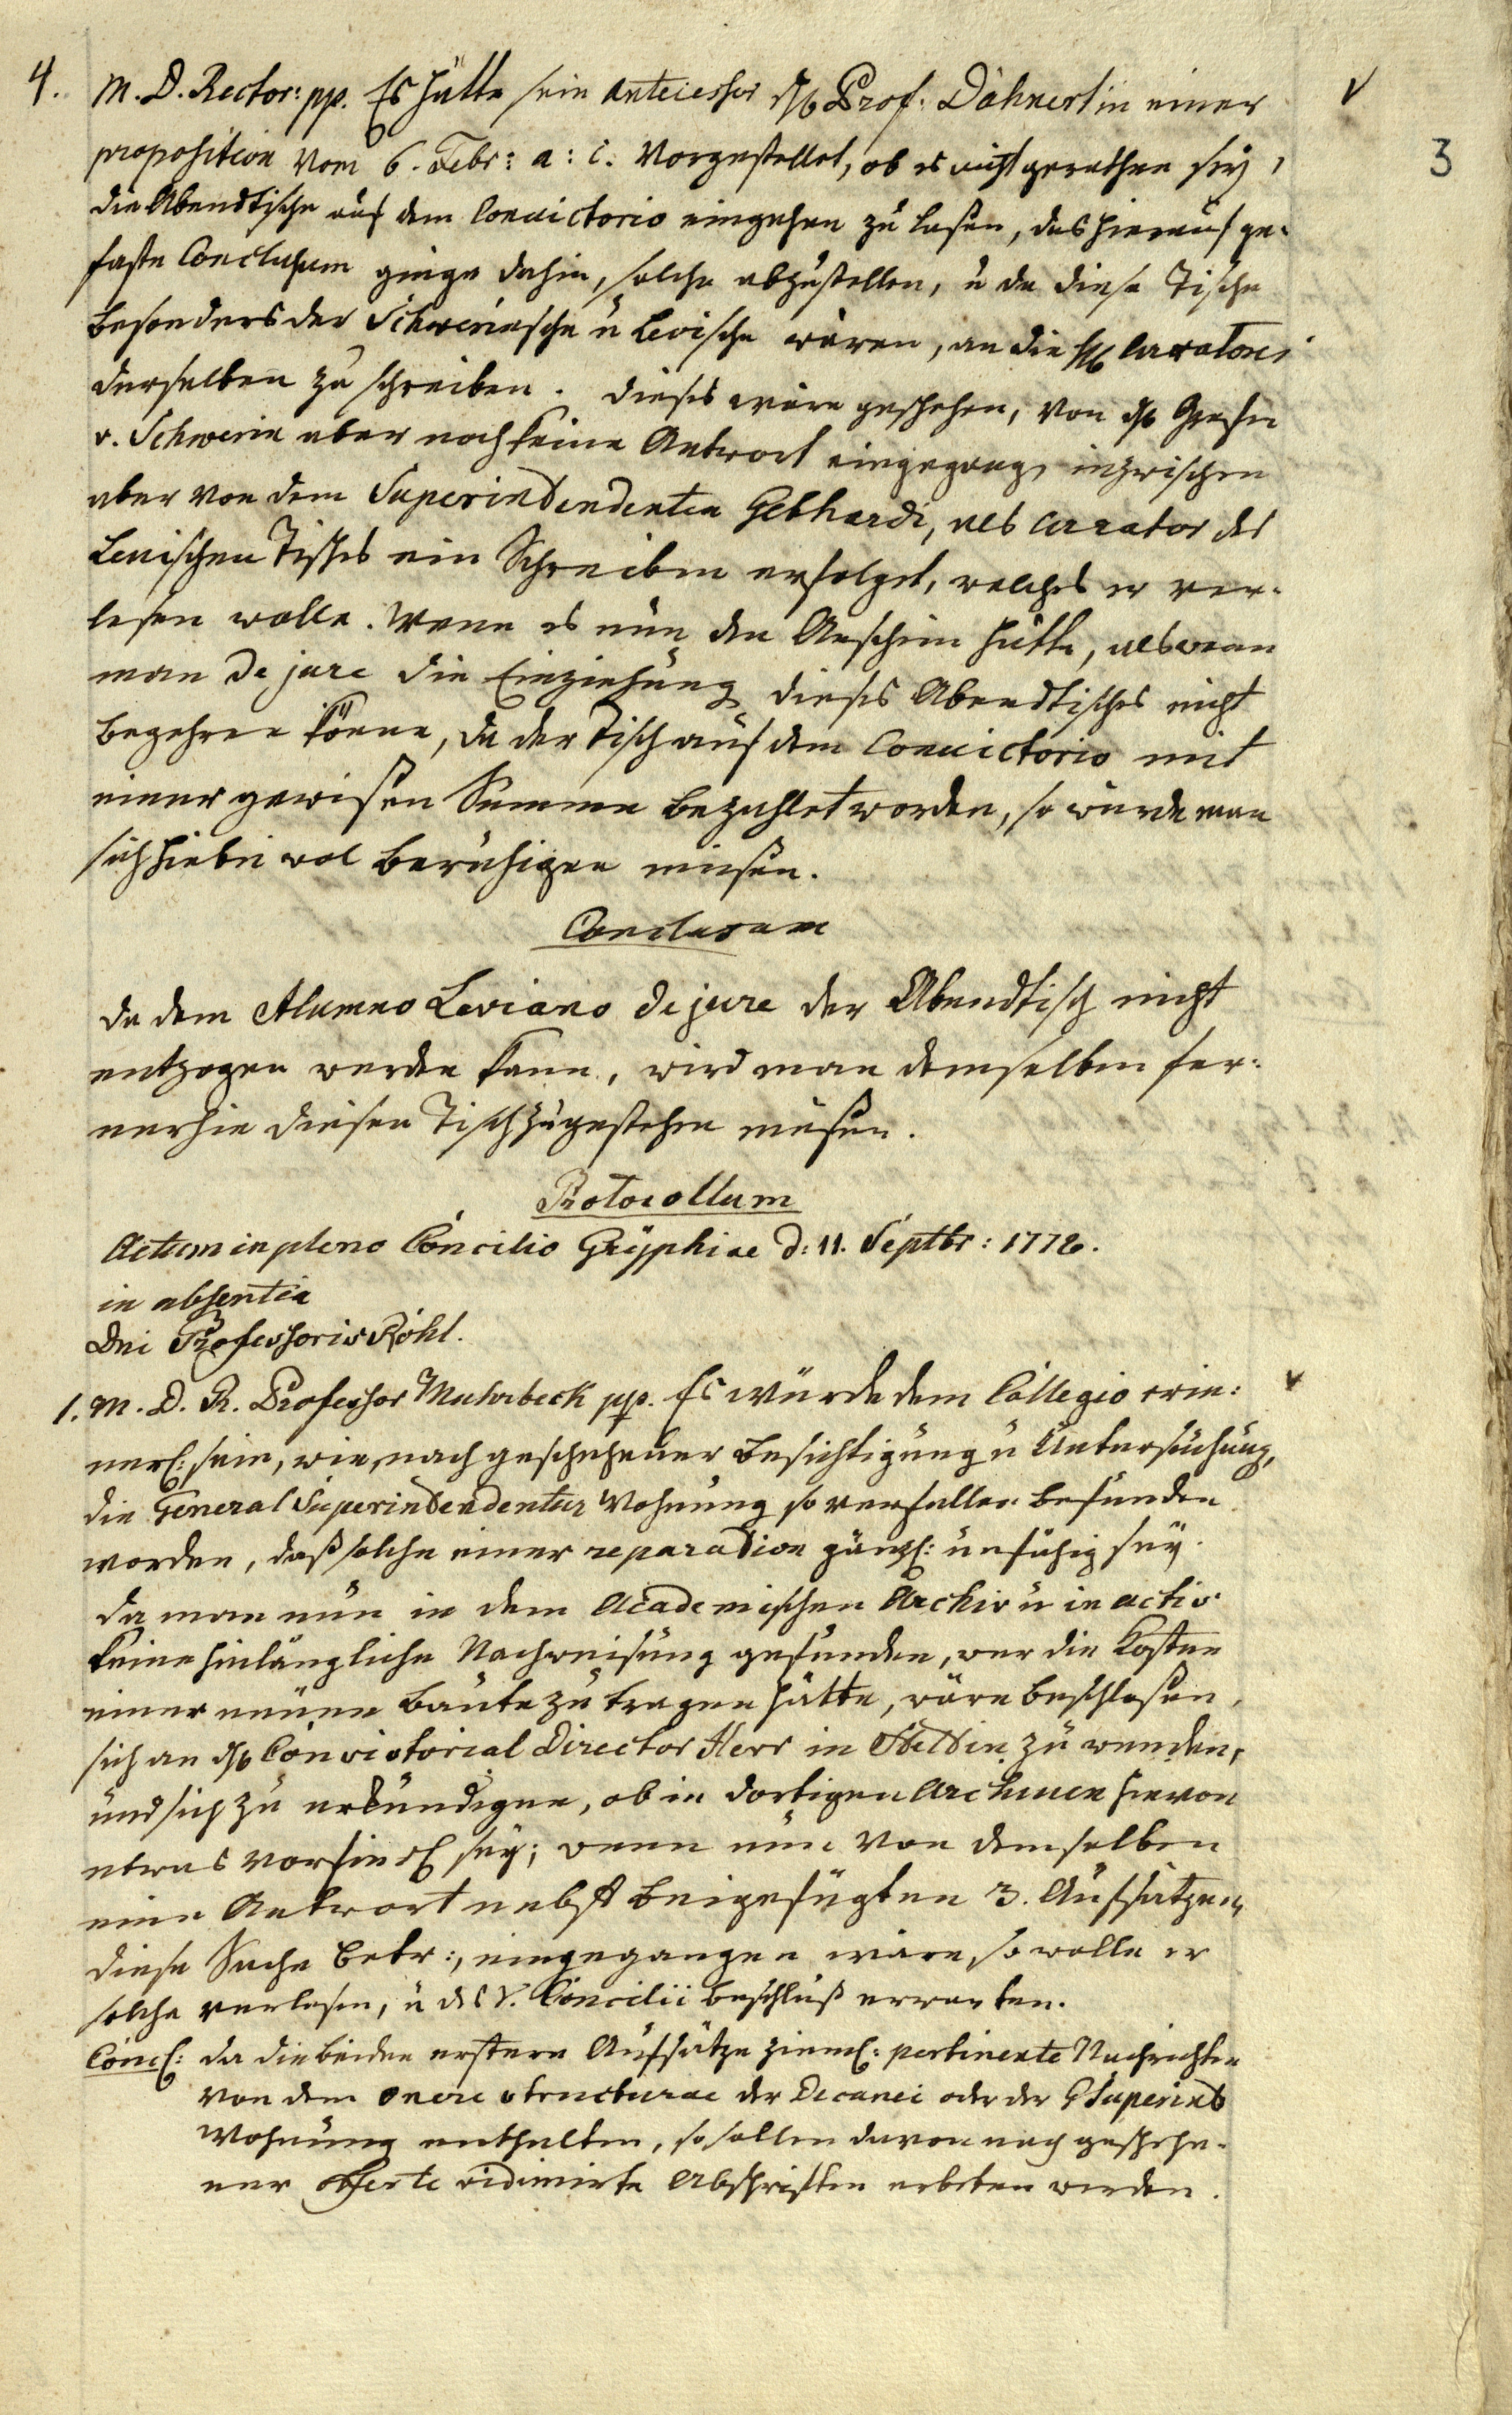4. M. D. Rector pp. Es hätte sein Antecessor dh. Prof. Daehnert in einer
proposition vom 6. Febr. a. c. vorgestellet, ob es nicht gerathen seÿ,
die Abendtische auf dem Convictorio eingehen zu laßen, das hierauf ge¬
faste Conclusum ginge dahin, solche abzustellen, u da diese Tische
besonders der Schwerinsche und Levische wären, an die h. curatori
derselben zu schreiben. Dieses wäre geschehen, von dh. Grafen
v. Schwerin aber noch keine Antwort eingegang inzwischen
aber von dem Superintendenten Gebhardi, als curator des
Levischen Tisches ein Schreiben erfolget, welches er ver¬
lesen wolle. Wenn es nun den Anschein hätte, alswenn
man de jure die Einziehung dieses Abendtisches nicht
begehren könne,da der Tisch auf dem Convictorio mit
einer gewißen Summe bezahlet worden, so würde man
sich hiebei wol beruhigen müßen.
Conclusum
Da dem Alumno Leviano de jure der Abendtisch nicht
entzogen werden kann, wird man demselben fer¬
nerhin diesen Tisch zugestehen müßen.
Protocollum
Actum in pleno Concilio Grÿphiae d. 11. Septbr. 1778.
in absentia
Dei Professoris Röhl.
1. M. D. R. Professor Muhrbeck pp. Es würde dem Collegio erin¬
nerl. sein, wie nach geschehener Besichtigung u Untersuchung,
die GeneralSuperintendentur Wohnung so verfallen befunden
worden, daß solche einer reparation gänzl. unfähig seÿ.
Da man nun in dem Academischen Archiv u in actis
keine hinlängliche Nachweisung gefunden, wer die Kosten
einer neuen Baute zu tragen hätte, wäre beschloßen,
sich an dh. Consistorial Director Herr in Stettin zu wenden,
und sich zu erkundigen, ob in dortigen Archiven hievon
etwas vorfindl. seÿ; wenn nun von demselben
eine Antwort nebst beigefügten 3 Aufsätzen
diese Sache betr., eingegangen wäre, so wolle er
solche verlesen, u des V. Concilii Beschluß erwarten.
Concl. Da die beiden erstern Aufsätze zieml. pertinente Nachrichten
von dem onere s tructurae der Decanii oder der G Superint.
Wohnung enthalten, so sollen davon nach geschehe¬
ner offerte vidimirte Abschriften erbeten werden.